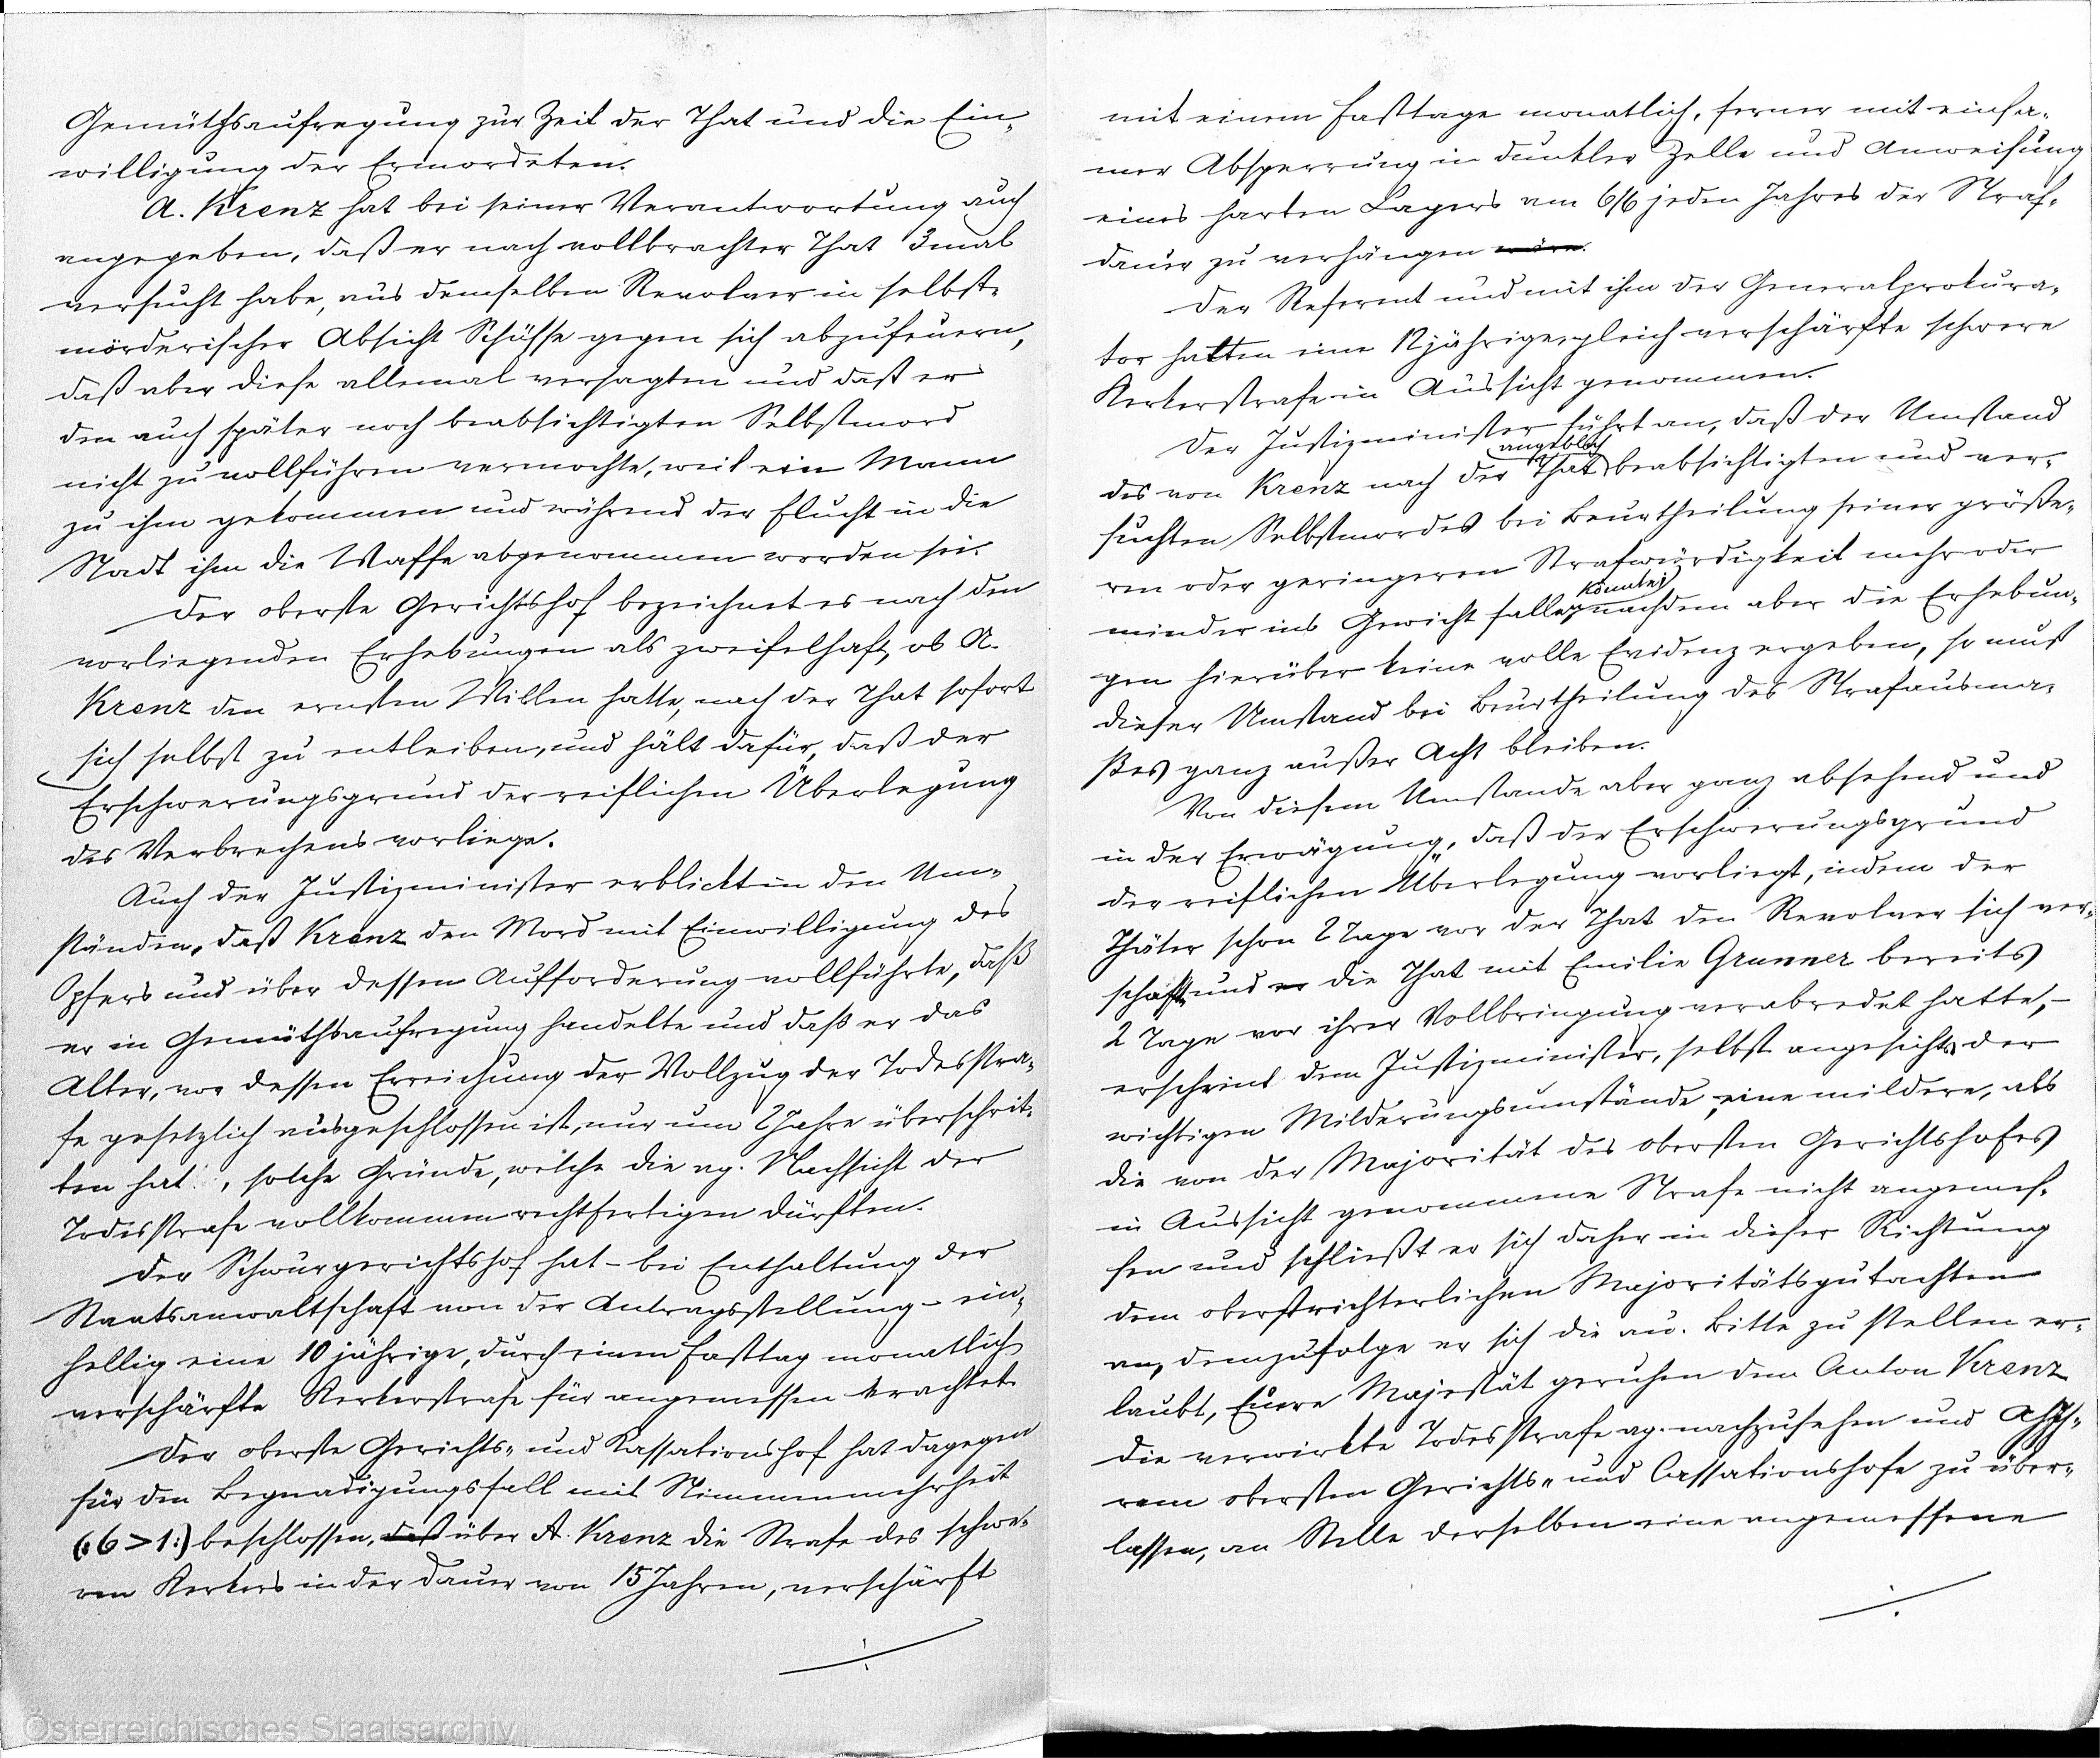Gemüthsaufregung zur Zeit der That und die Ein¬
willigung der Ermordeten.
A. Krenz hat bei seiner Verantwortung auch
angegeben, daß er nach vollbrachter That 3mal
versucht habe, aus demselben Revolver in selbst¬
mörderischer Absicht Schüsse gegen sich abzufeuern,
daß aber diese allemal versagten und daß er
die auch später noch beabsichtigten Selbstmord
nicht zu vollführen vermochte, weil ein Mann
zu ihm gekommen und während der Flucht in die
Stadt ihm die Waffe abgenommen worden sei.
Der oberste Gerichtshof Gezeichnet es nach den
vorliegenden Erhebungen als zweifelhaft, ob A.
Krenz den ernsten Willen hatte, nach der That sofort
sich selbst zu entleiben, und hält dafür, daß der
Erschwerungsgrund der reiflichen Überlegung
des Verbrechens vorliege.
Auch der Justizminister erblicht in den Um¬
ständen, daß Kranz den Mord mit Einwilligung des
Opfers und über dessen Aufforderung vollführte, daß
er in Gemüthsaufregung handelte und daß er das
Alter, vor dessen Erreichung der Wollzug der Todesstra¬
fe gesetzlich ausgeschlossen ist, nur um 2 Jahre überschrit¬
ten hat, solche Gründe, welche die eg. Nachsicht der
Todestrafe vollkommen rechtfertigen dürften.
Der Schwurgerichtshof hat - bei Enthaltung der
Staatsanwaltschaft von der Antragsstellung - ein
hellig eine 10 jährige, durch einen Fasttag monatlich
verschärfte Kerkerstrafe für angemessen trachtet.
Der oberste Gerichts- und Kassationshof hat dagegen
für den Begnadigungsfall mit Stimmenmehrheit
(: 6>1 :) beschlossen, über A. Krenz die Strafe des schwe¬
ren Kerkers in der Dauer von 15 Jahren, verschärft
mit einem Fasttage monatlich, ferner mit einsa¬
mer Absperrung in dunkler Zelle und Anweisung
eines harten Lagers am 6/6 jeden Jahres der Straf¬
dauer zu verhängen.
Der Referent und mit ihm der Generalprokura¬
tor hatten eine 12jährige, gleich verschärfte schwere
Kerkerstrafe in Aussicht genommen.
Der Justizminister führt an, daß der Umstand
angeblich
des von Krenz nach der That beabsichtigten und ver¬
suchten Selbstmordes bei Beurtheilung seiner größe¬
ren oder geringeren Strafwürdigkeit mehr oder
könnte;
minder ins Gewicht falle nach den aber die Erhebun¬
gen hierüber keine volle Evidenz ergeben, so muß
dieser Umstand bei Beurtheilung des Strafausma¬
ßes ganz außer Acht bleiben.
Von diesem Umstande aber ganz absehend und
in der Erwägung, daß der Erschwerungsgrund
der reiflichen Überlegung vorliegt, indem der
Thäter schon 2 Tage vor der That den Revolver sich ver¬
schafft und die That mit Emilie Grunner bereits
2 Tage vor ihrer Vollbringung verabredet hatte,-
erscheint dem Justizminister, selbst angesichts der
wichtigen Milderungsumstände, eine mildere, als
die von der Majorität des obersten Gerichtshofes
in Aussicht genommene Strafe nicht angemes¬
sen und schließt er sich daher in dieser Richtung
dem oberstrichterlichen Majoritätsgutachten
an, demzufolge er sich die au. Bitte zu stellen er¬
laubt, Euere Majestät geruhen dem Anton Krenz
die verwirkte Todesstrafe ag. nachzusehen und Axx¬
rem obersten Gerichts= und Cassationshofe zu über¬
lassen, an Stelle derselben eine angemessene